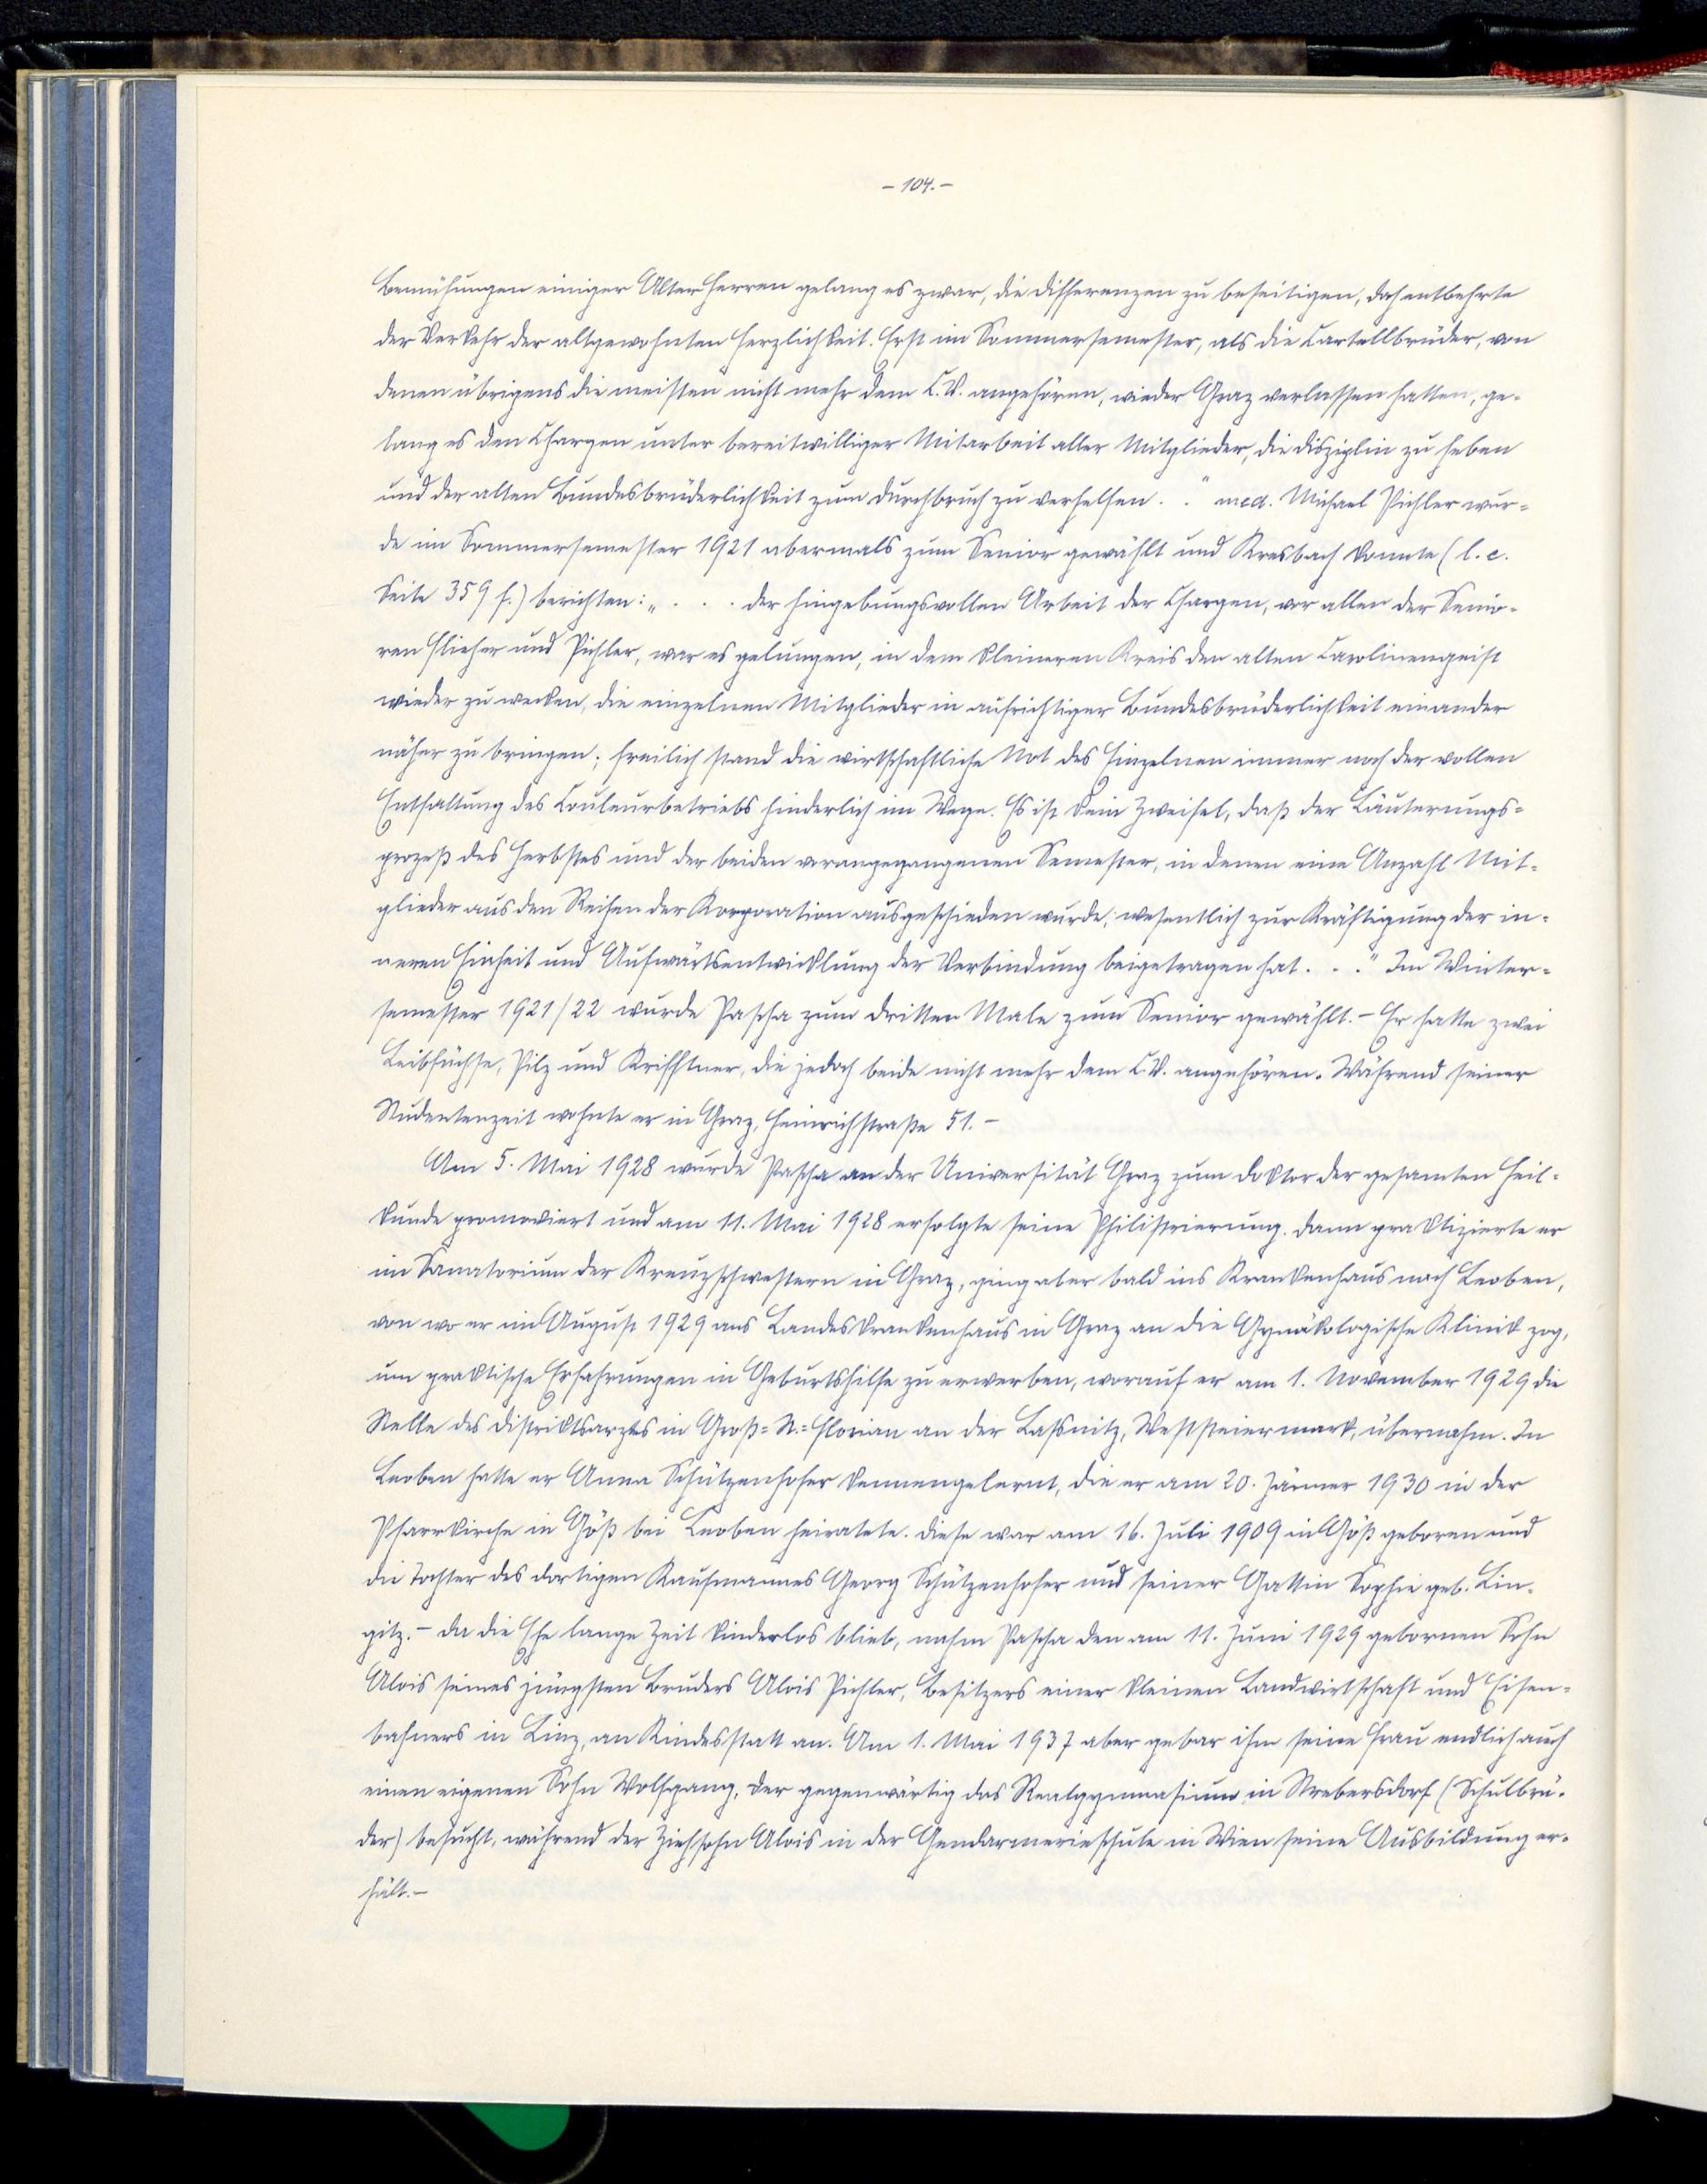104
Bemühungen einiger Alter Herren gelang es zwar, die Differenzen zu beseitigen, doch entbehrte
der Verkehr der altgewohnten Herzlichkeit. Erst im Sommersemester, als die Cartellbrüder, von
denen übrigens die meisten nicht mehr dem C angehören, wieder Graz verlassen hatten, ge-
lang es den Chargen unter bereitwilliger Mitarbeit aller Mitglieder, die Disziplin zu heben
und der alten Bundesbrüderlichkeit zum Durchbruch zu verhelfen." med. Michael Pichler wur-
de im Sommersemester 1921 abermals zum Senior gewählt und Kresbach konnte (l. c
Seite 359 f.) berichten: "Der hingebungsvollen Arbeit der Chargen, vor allem der Senior-
ren Flieher und Pichler, war es gelungen, in dem kleineren Kreis den alten Carolinengeist
wieder zu wecken, die einzelnen Mitglieder in aufrichtiger Bundesbrüderlichkeit einander
nähern zu bringen; freilich stand die wirtschaftliche Not des Einzelnen immer noch der vollen
Entfaltung des Couleurbetriebs hinderlich im Wege. Es ist kein Zweifel, dass der Läuterungs-
prozeß des Herbstes und der beiden vorangegangenen Semester, in denen eine Anzahl Mit-
gliede aus den Reihen der Korporation ausgeschieden wurde, wesentlich zur Kräftigung der in-
neren Einheit und Aufwärtsentwicklung der Verbindung beigetragen hat. Im Winter-
Semester 192/22 wurde Pascha zum dritten Male zum Senior gewählt.- Er hatte zwei
Leibfüchse, Pilz und Krifftner, die jedoch beide nicht mehr dem CV angehören. Während seiner
Studentenzeit wohnte er in Graz, Heinrichstraße 51.
Am 5. Mai 1928 wurde Pascha an der Universität Graz zum Doktor der gesamten Heil-
kunde promoviert und am 11. Mai 1928 erfolgte seine Philistrierung. Dann praktizierte er
im Sanatorium der Kreuzschwestern in Graz, ging aber bald ins Krankenhaus nach Leoben,
von wo er im August 1929 ins Landeskrankenhaus in Graz an die Gynäkologische Klinik zog
um praktische Erfahrungen in Geburtshilfe zu erwerben, worauf er am 1. November 1929 die
Stelle des Distriktarztes in Groß- St. Florian an der Lassnitz, Weststeiermark, übernahm. In
Leoben hatte er Anna Schützenhofer kenengelernt, die er am 20. Jänner 1930 in der
Pfarrkirche in Göß bei Leoben heiratete. Diese war am 16. Juli 1909 in Göß geboren und
die Tochter des dortigen Kaufmanns Georg Schützenfofer und seiner Gattin Sophie geb. Lin-
gitz. Da die Ehe lange Zeit kinderlos blieb, nahm Pascha den am 11. Juni 1929 geborenen Sohn
Alois seines jüngsten Bruder Alois Pichler, Besitzers einer kleinen Landwirtschaft und Eisen-
bahners in Linz, an Kindesstatt an. Am 1. Mai 1937 aber gebar ihm seine Frau endlich auch
einen eigenen Sohn Wolfgang, der gegenwärtig das Realgymnasium in Strebersdorf (Schulbrü-
der) besucht, während der Ziehsohn Alois in der Gendarmerieschule in Wien seine Ausbiuldung er-
hält.